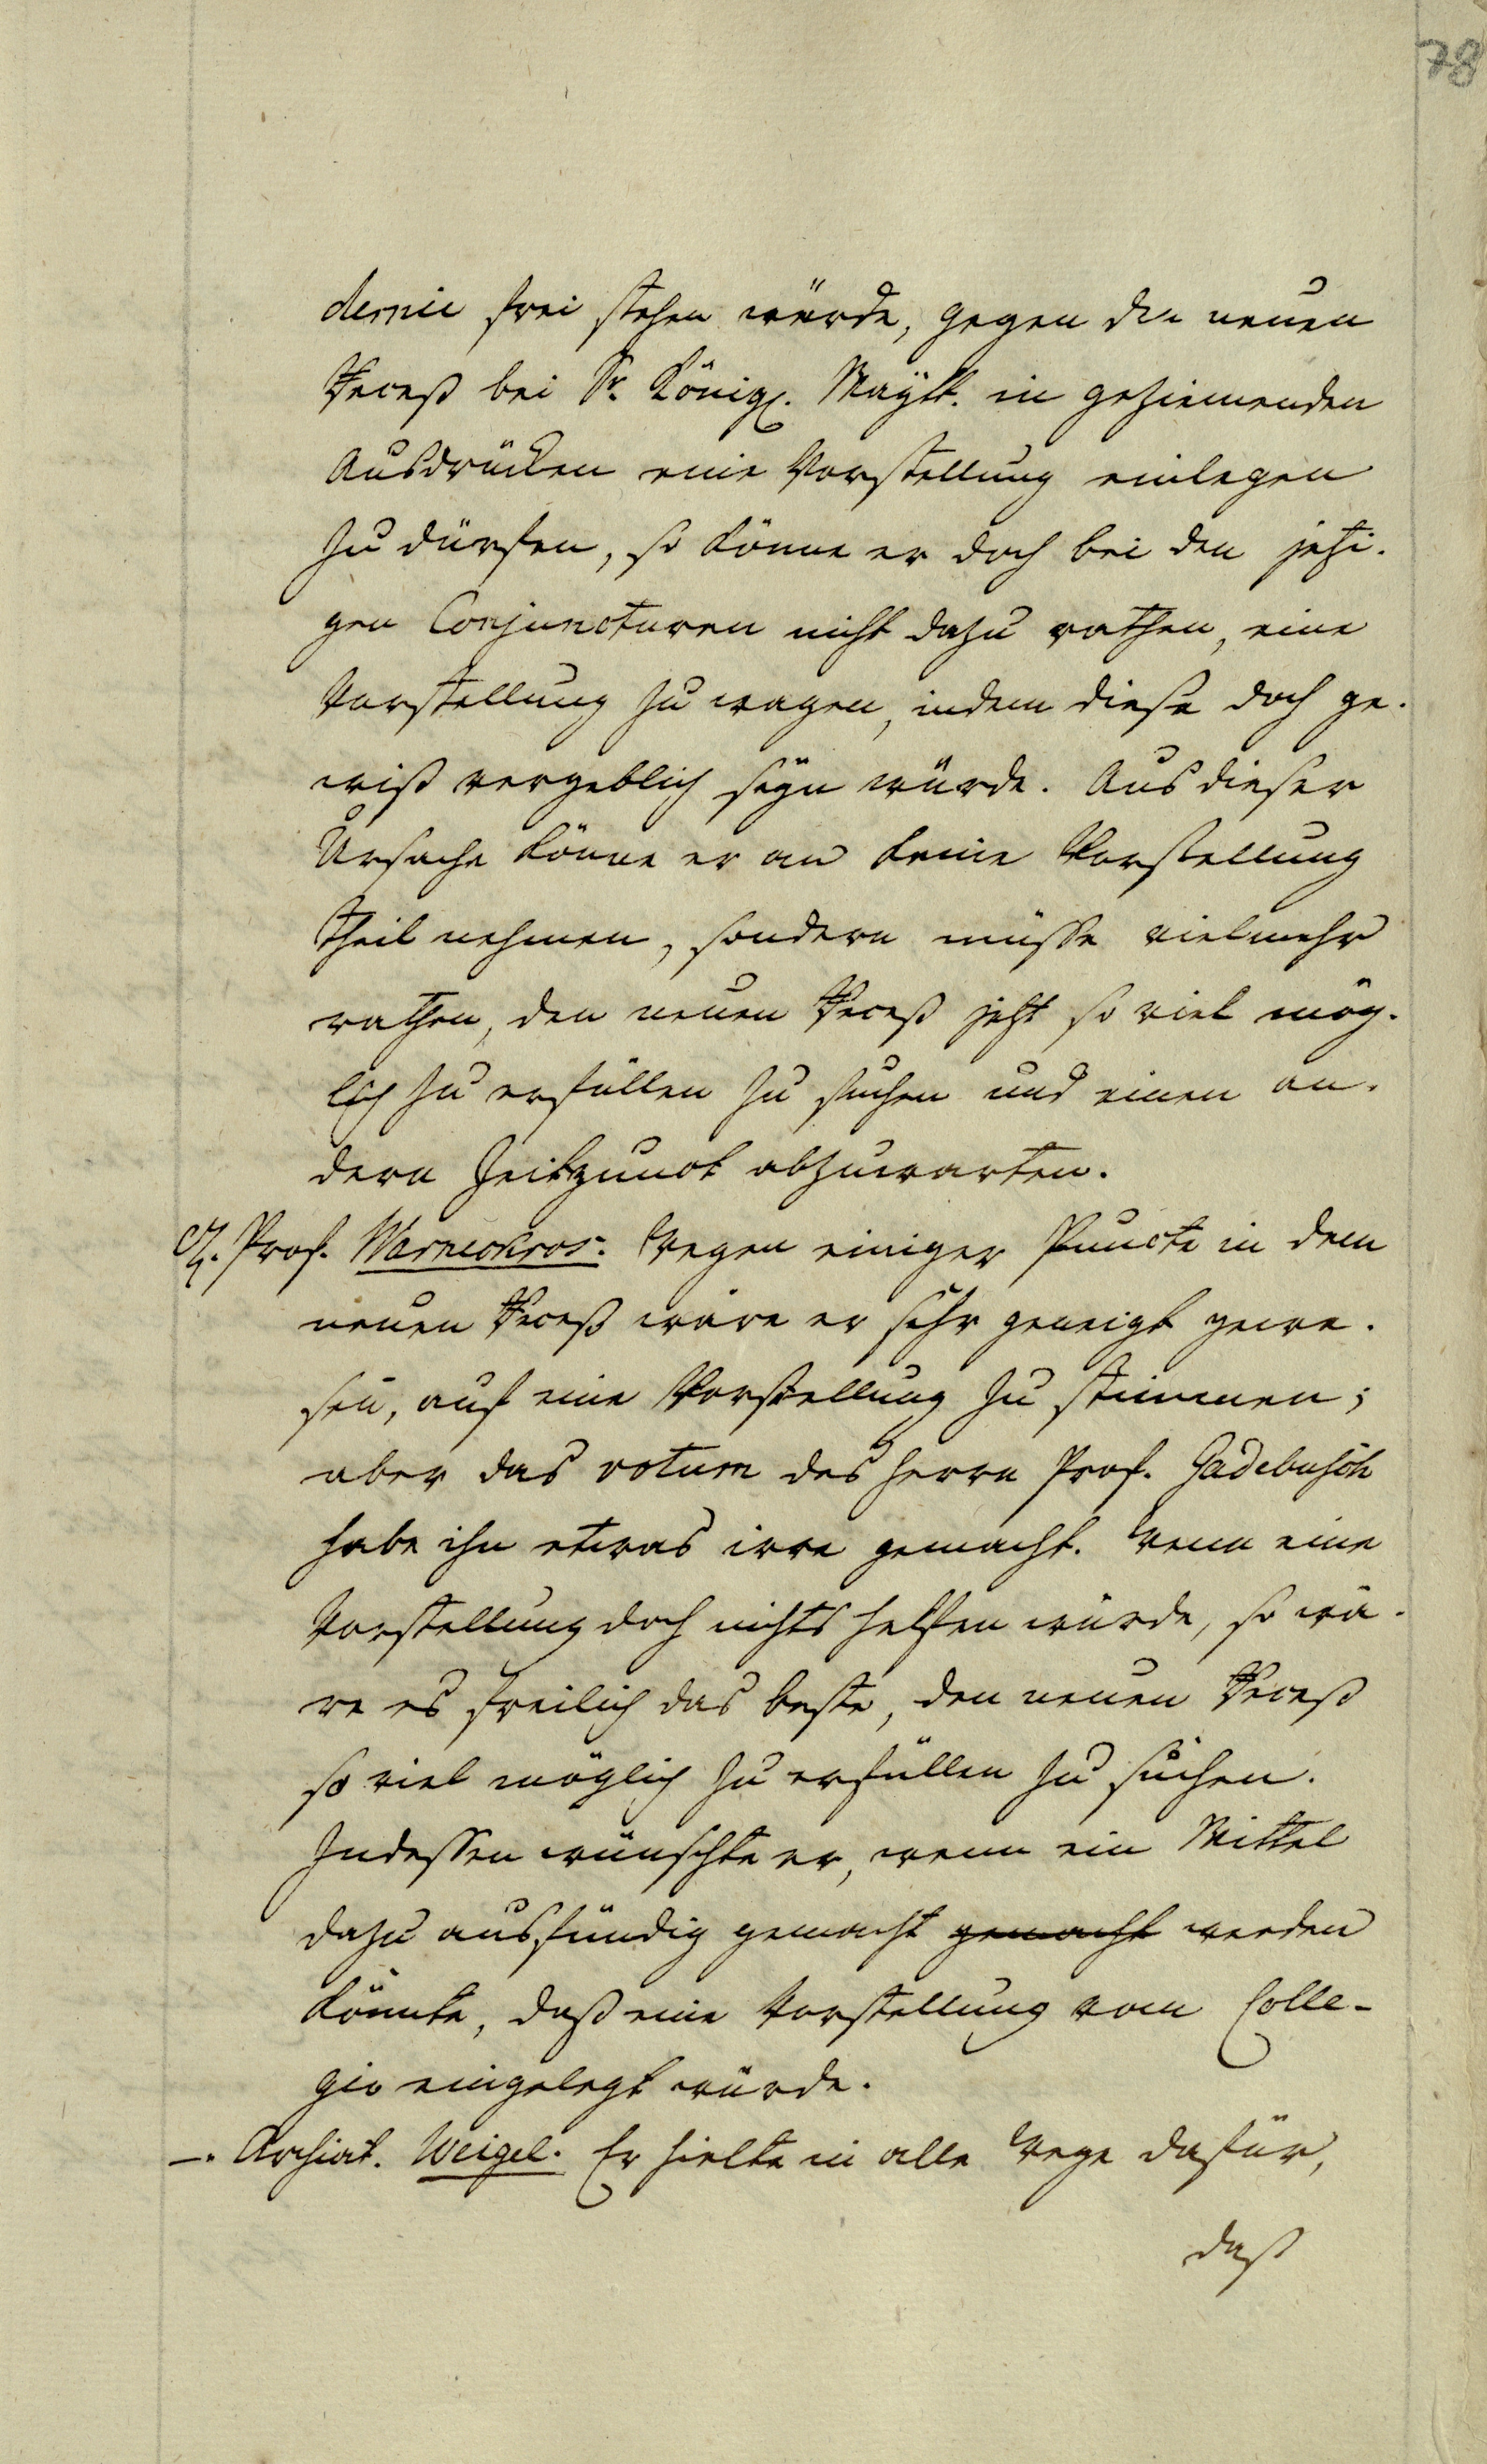demie frei stehen würde, gegen den neuen
Receß bei Sr Königl. Maÿtt. in geziemenden
Ausdrücken eine Vorstellung einlegen
zu dürfen, so könne er doch bei den jetzi¬
gen Conjuncturen nicht dazu rathen, eine
Vorstellung zu wagen indem diese doch ge¬
wiß vergeblich seÿn würde. Aus dieser
Ursache könne er an keine Vorstellung
Theil nehmen, sondern müsse vielmehr
rathen, den neuen Receß jetzt so viel mög¬
lich zu erfüllen zu suchen und einen an¬
dern Zeitpunct abzuwarten.
dh. Prof. Warneckros. Wegen einiger Puncte in dem
neuen Receß wäre er sehr geneigt gewe¬
sen, auf eine Vorstellung zu stimmen;
aber das votum des Herrn Prof. Gadebusch
habe ihn etwas irre gemacht. Wenn eine
Vorstellung doch nichts helfen würde, so wä¬
re es freilich das beste, den neuen Receß
so viel möglich zu erfüllen zu suchen.
Indessen wünschte er, wenn ein Mittel
dazu ausfündig gemacht gemacht werden
könnte, daß eine Vorstellung vom Colle¬
gio eingelegt würde.
Archiat. Weigel. Er hielte in alle Wege dafür,
daß